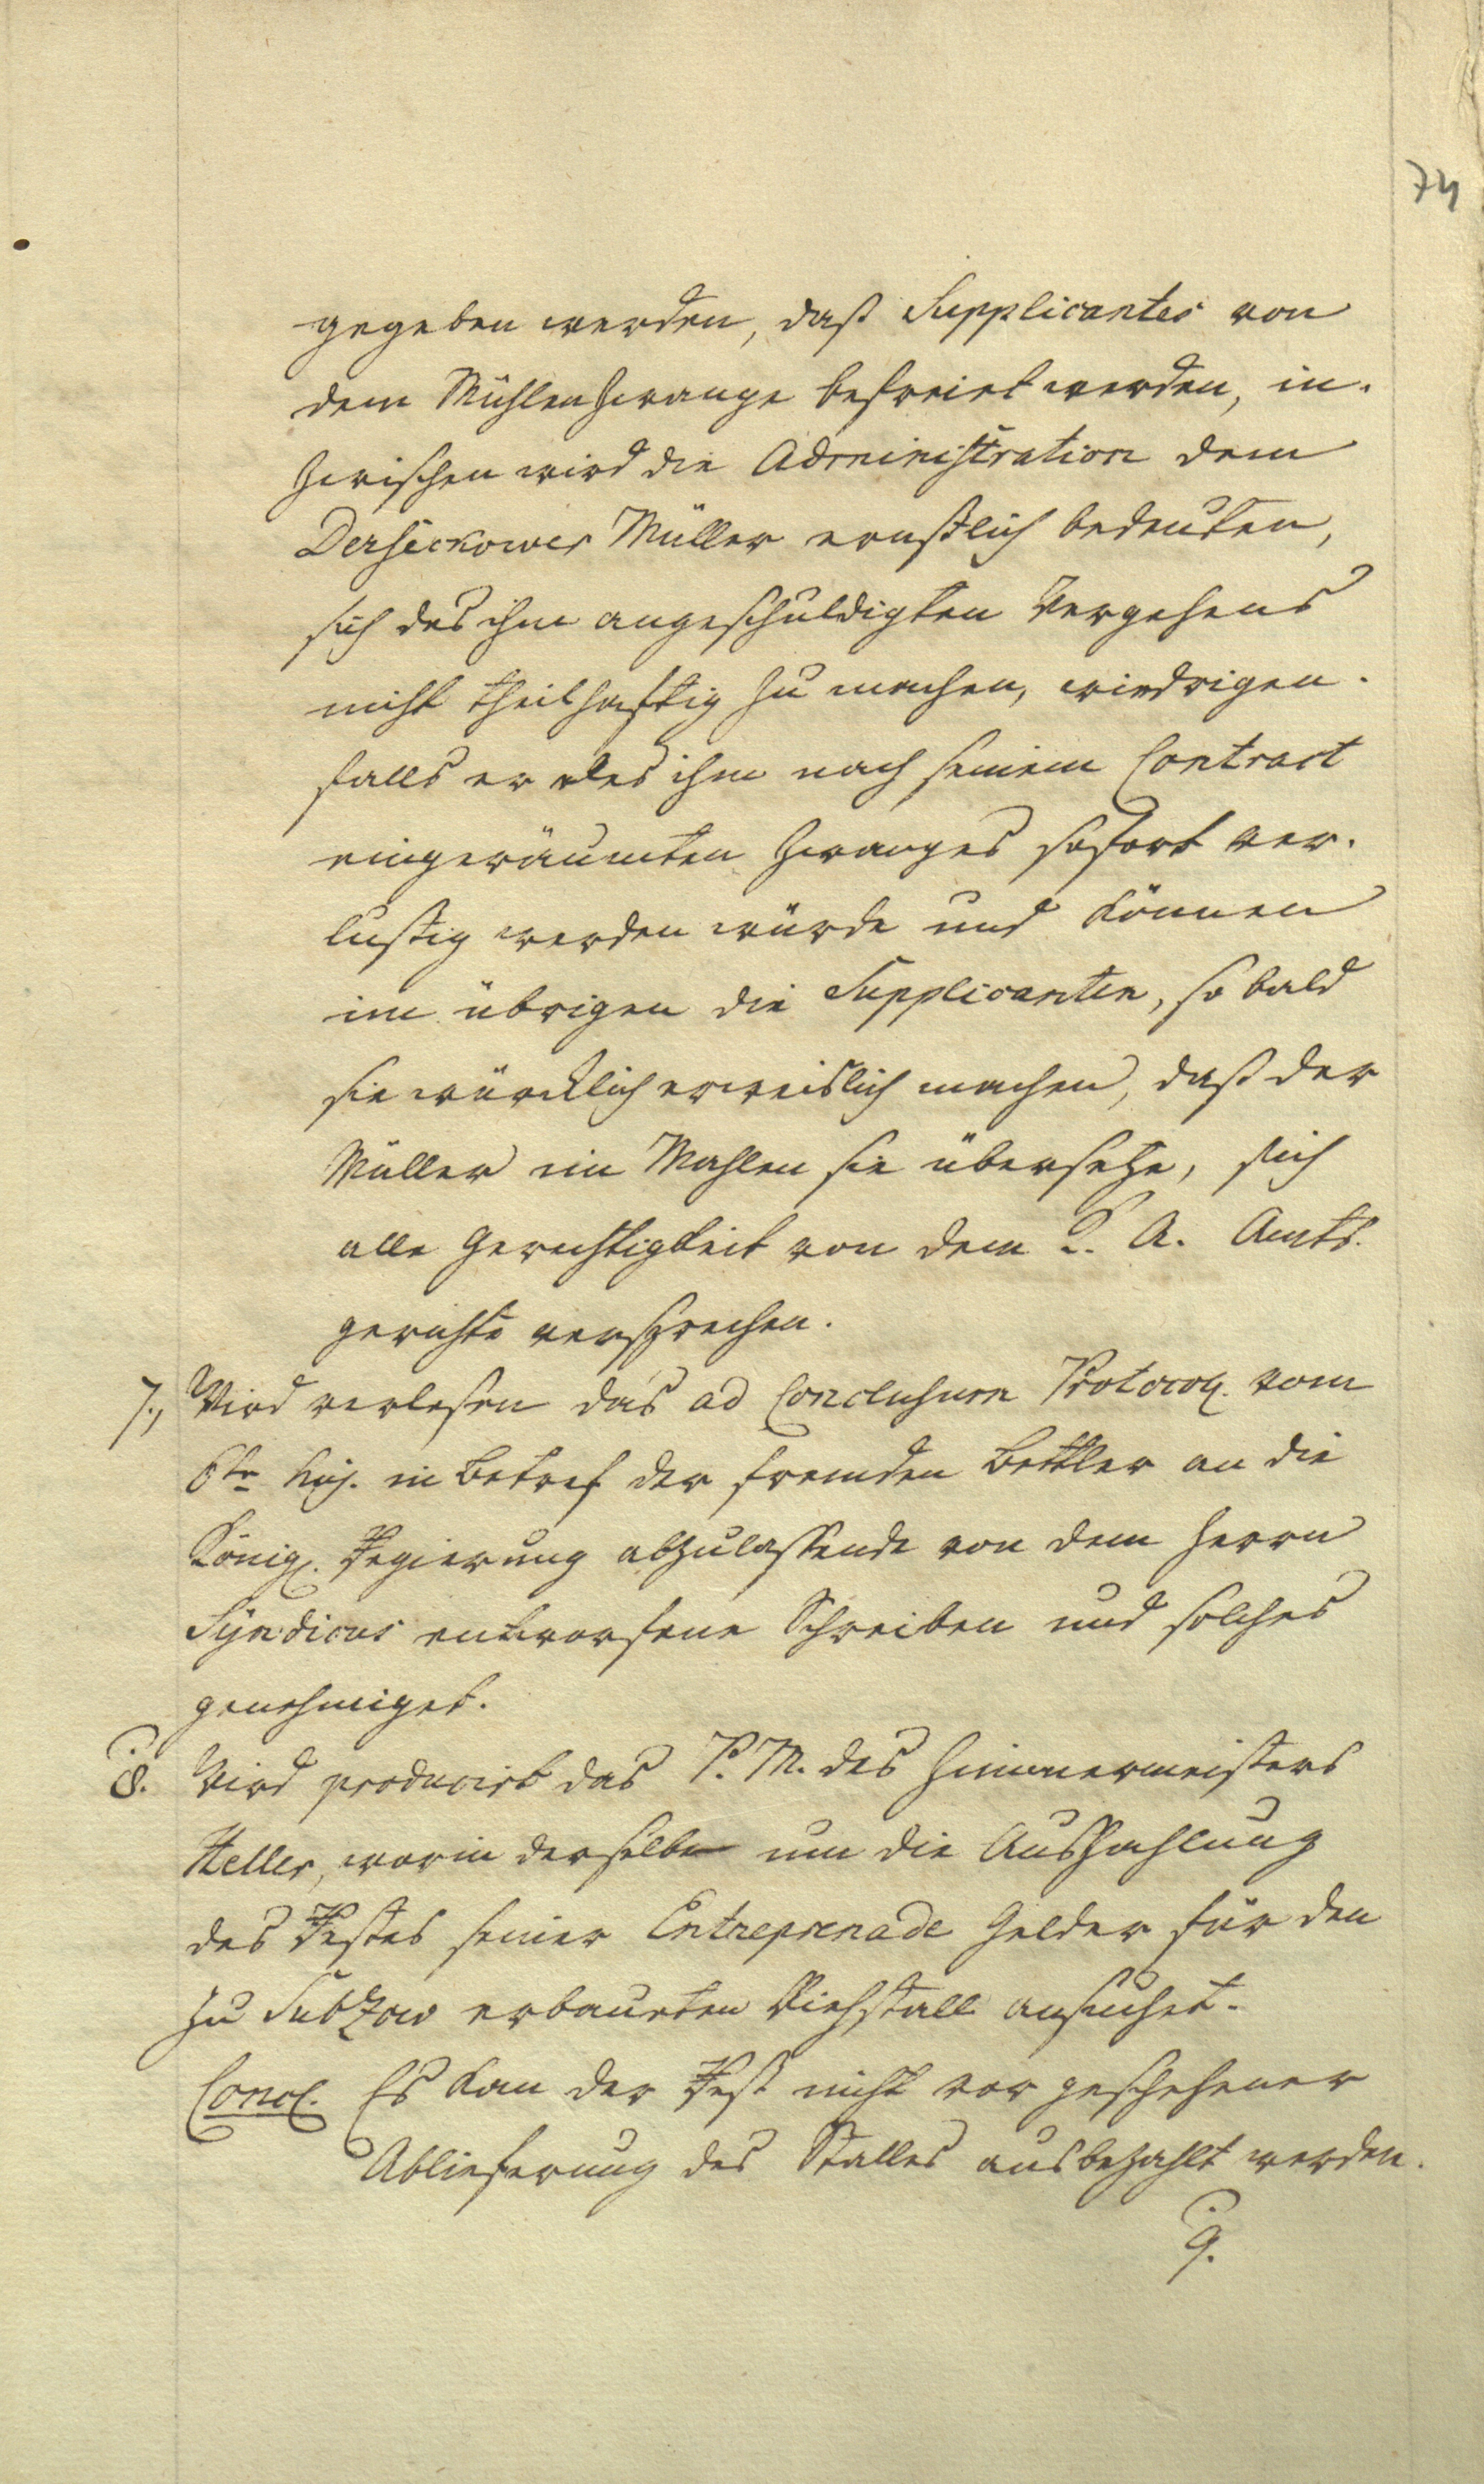gegeben werden, daß Supplicantes von
dem Mühlenzwange befreiet werden, in¬
zwischen wird die Administration dem
Derseckower Müller ernstlich bedeuten,
sich des ihm angeschuldigten Vergehens
nicht theilhaftig zu machen, wiedrigen¬
falls er des ihm nach seinem Contract
eingeräumten Zwanges sofort ver¬
lustig werden würde und können
im übrigen die Supplicanten, so bald
sie würcklich erweislich machen, daß der
Müller im Mahlen sie übersetze, sich
alle Gerechtigkeit von dem K. A. Amts¬
gerichte versprechen.
7. Wird verlesen das ad Conclusum Protocoll. vom
6 te huj. in Betref der fremden Bettler an die
Königl. Regierung abzulassende von dem Herrn
Sÿndicus entworfene Schreiben und solches
genehmiget.
8. Wird producirt des P. M. des Zimmermeisters
Heller, worin derselbe um die Auszahlung
des Restes seiner Entreprenade Gelder für den
zu Subzow erbaueten Viehstall ansuchet.
Concl. Es kan der Rest nicht vor geschehener
Ablieferung des Stalles ausbezahlt werden.
9.